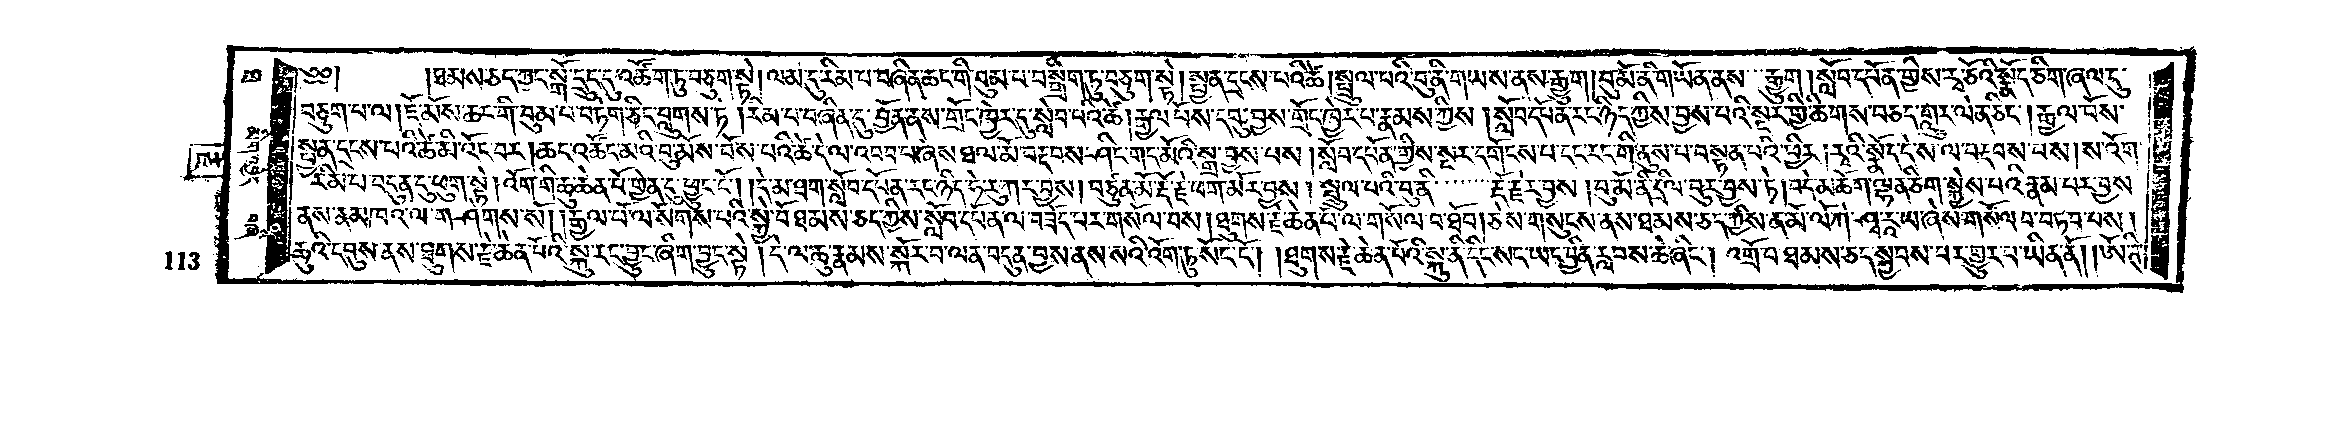༄༅། །ཐམས་ཅད་ཀྱང་སྒོ་དྲུང་དུ་འཚོག་ཏུ་བཅུག་སྟེ། ལམ་དུ་རིམ་པ་བཞིན་ཆང་གི་བུམ་པ་བསྒྲིག་ཏུ་བཅུག་སྟེ། སྤྱན་དྲངས་པའི་ཚེ། སྤྲུལ་པའི་བུ་ནི་གཡས་ནས་རྒྱུག །བུ་མོ་ནི་གཡོན་ནས་རྒྱུག །སློབ་དཔོན་གྱིས་རྭ་ཅོའི་སྣོད་ཅིག་ཞལ་དུ་
བཅུག་པ་ལ། ཇོ་མོས་ཆང་གི་བུམ་པ་བཏེག་ཅིང་བླུགས་ཏེ་།རིམ་པ་བཞིན་དུ་བྱོན་ནས་གྲོང་ཁྱེར་དུ་སླེབ་པའི་ཚེ། རྒྱལ་པོས་དབུ་བྱས་གྲོང་ཁྱེར་པ་རྣམས་ཀྱིས། སློབ་དཔོན་རང་ཉིད་ཀྱིས་བྱས་པའི་སྔར་གྱི་ཚིགས་བཅད་གླུར་ལེན་ཅིང་། རྒྱལ་པོས་
སྤྱན་དྲངས་པའི་ཚེ་མི་འོང་བར། ཆང་འཚོང་མའི་བུ་མོས་བོས་པའི་ཚེ་དེ་ལ་འབབ་པ་ཞེས་ཐལ་མོ་བརྡབས་ཤིང་གད་མོའི་སྒྲ་བྱས་པས། སློབ་དཔོན་གྱིས་སྔར་དགོངས་པ་དང་རང་གི་ནུས་པ་བསྟན་པའི་ཕྱིར། རྭའི་སྣོད་དེ་ས་ལ་བརྡབས་པས། ས་འོག་
རིམ་པ་བདུན་དུ་ཕུག་སྟེ། འོག་གི་ཆུ་ཆེན་པོ་གྱེན་དུ་ཕྱུང་ངོ། །དེ་མ་ཐག་སློབ་དཔོན་རང་ཉིད་ཧེ་རུ་ཀར་བྱས། བཙུན་མོ་རྡོ་རྗེ་ཕག་མོར་བྱས། སྤྲུལ་པའི་བུ་ནི་རྡོ་རྗེར་བྱས། བུ་མོ་ནི་དྲིལ་བུར་བྱས་ཏེ། བདེ་མཆོག་ལྷན་ཅིག་སྐྱེས་པའི་རྣམ་པར་བྱས་
ནས་ནམ་མཁའ་ལ་གཤེགས་སོ། །རྒྱལ་པོ་ལ་སོགས་པའི་སྐྱེ་བོ་ཐམས་ཅད་ཀྱིས་སློབ་དཔོན་ལ་བཟོད་པར་གསོལ་བས། ཐུགས་རྗེ་ཆེན་པོ་ལ་གསོལ་བ་ཐོབ། ཅེས་གསུངས་ནས་ཐམས་ཅད་ཀྱིས་ན་མོ་ལོ་ཀེ་ཤྭ་རཱ་ཡ་ཞེས་གསོལ་བ་བཏབ་པས།
ཆུའི་དབུས་ནས་ཐུགས་རྗེ་ཆེན་པོའི་སྐུ་རང་བྱུང་ཞིག་བྱུང་སྟེ། དེ་ལ་ཆུ་རྣམས་སྐོར་བ་ལན་བདུན་བྱས་ནས་སའི་འོག་ཏུ་སོང་ངོ། །ཐུགས་རྗེ་ཆེན་པོའི་སྐུ་ནི་དིང་སང་ཡང་བྱིན་རླབས་ཆེ་ཞིང་། འགྲོ་བ་ཐམས་ཅད་སྐྱབས་པར་གྱུར་པ་ཡིན་ནོ། །ཨོ་ཊི་